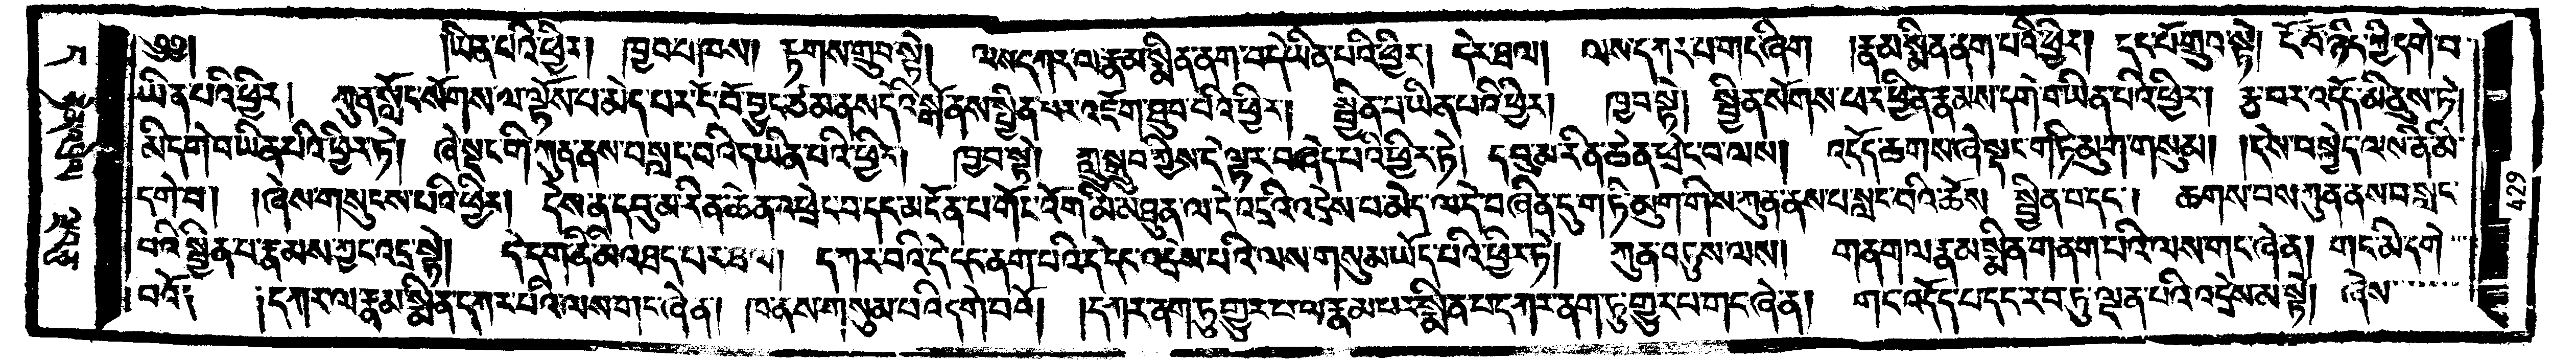༄༅། །ཡིན་པའི་ཕྱིར། ཁྱབ་པ་ཁས། རྟགས་གྲུབ་སྟེ། ལས་དཀར་ལ་རྣམ་སྨིན་ནག་བདེ་ཡིན་པའི་ཕྱིར། དེར་ཐལ། ལས་དཀར་པ་གང་ཞིག །རྣམ་སྨིན་ནག་པའི་ཕྱིར། དང་པོ་གྲུབ་སྟེ། ངོ་བོ་ཉིད་ཀྱི་དགེ་བ་
ཡིན་པའི་ཕྱིར། ཀུན་སློང་སོགས་ལ་ལྟོས་པ་མེད་པར་ངོ་བོ་བྱུང་ཙམ་ནས་དེའི་སྒོ་ནས་སྦྱིན་པར་འཇོག་ཐུབ་བའི་ཕྱིར། སྦྱིན་པ་ཡིན་པའི་ཕྱིར། ཁྱབ་སྟེ། སྦྱིན་སོགས་ཕར་ཕྱིན་རྣམས་དགེ་བ་ཡིན་པའི་ཕྱིར། རྩ་བར་འདོད་མི་ནུས་ཏེ།
མི་དགེ་བ་ཡིན་པའི་ཕྱིར་ཏེ། ཞེ་སྡང་གི་ཀུན་ནས་བསླང་བ་འདི་ཡིན་པའི་ཕྱིར། ཁྱབ་སྟེ། ཀླུ་སྒྲུབ་ཀྱིས་དེ་ལྟར་བཞེད་པའི་ཕྱིར་ཏེ། དབུ་མ་རིན་ཆེན་ཕྲེང་བ་ལས། འདོད་ཆགས་ཞེ་སྡང་གཏི་མུག་གསུམ། །ངེས་བསྐྱེད་ལས་ནི་མི་
དགེ་བ། །ཞེས་གསུངས་པའི་ཕྱིར། དེས་ན་དབུ་མ་རིན་ཆེན་འཕྲེང་བ་དང་མངོན་པ་གོང་འོག་མི་མཐུན་ལ་དེ་འདྲའི་འདྲེས་པ་མེད་ལ་དེ་བཞིན་དུ་གཏི་མུག་གིས་ཀུན་ནས་པ་སླང་བའི་ཆོས་སྦྱིན་བ་དང་། ཆགས་པས་ཀུན་ནས་བསླང་
བའི་སྦྱིན་པ་རྣམས་ཀྱང་འདྲ་སྟེ། དེ་དག་ནི་མི་འཐད་པར་ཐལ། དཀར་བའི་དེ་དང་ནག་པའི་དེ་དང་འདྲེས་པའི་ལས་གསུམ་ཡོད་པའི་ཕྱིར་ཏེ། ཀུན་བཏུས་ལས། གནག་ལ་རྣམ་སྨིན་གནག་པའི་ལས་གང་ཞེ་ན། གང་མི་དགེ་
བའོ༑ ༑དཀར་ལ་རྣམ་སྨིན་དཀར་པའི་ལས་གང་ཞེ་ན། ཁ་ནས་གསུམ་པའི་དགེ་བའོ། །དཀར་ནག་ཏུ་གྱུར་པ་ལ་རྣམ་པར་སྨིན་པ་དཀར་ནག་ཏུ་གྱུར་པ་གང་ཞེ་ན། གང་འདོད་པ་དང་རབ་ཏུ་ལྡན་པའི་འདྲེས་མ་སྟེ། ཞེས་